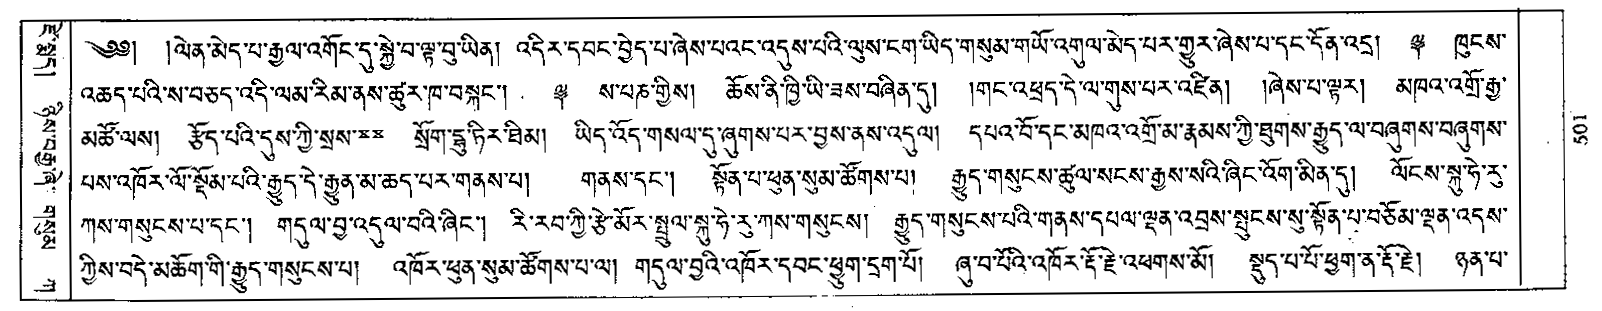༄༅། །ལེན་མེད་པ་རྒྱལ་འགོང་དུ་སྐྱེ་བ་ལྟ་བུ་ཡིན། འདིར་དབང་བྱེད་པ་ཞེས་པའང་འདུས་པའི་ལུས་ངག་ཡིད་གསུམ་གཡོ་འགུལ་མེད་པར་གྱུར་ཞེས་པ་དང་དོན་འདྲ། ༈ ཁུངས་
འཆད་པའི་ས་བཅད་འདི་ལམ་རིམ་ནས་ཚུར་ཁ་བསྐང་། ༈ ས་པཎ་གྱིས། ཆོས་ནི་ཁྱི་ཡི་ཟས་བཞིན་དུ། །གང་འཕྲད་དེ་ལ་གུས་པར་འཛིན། །ཞེས་པ་ལྟར། མཁའ་འགྲོ་རྒྱ་
མཚོ་ལས། རྩོད་པའི་དུས་ཀྱི་སྲས་྾་྾་སྲོག་དྷུ་ཏིར་ཐིམ། ཡིད་འོད་གསལ་དུ་ཞུགས་པར་བྱས་ནས་འདུལ། དཔའ་བོ་དང་མཁའ་འགྲོ་མ་རྣམས་ཀྱི་ཐུགས་རྒྱུད་ལ་བཞུགས་བཞུགས་
པས་འཁོར་ལོ་སྡོམ་པའི་རྒྱུད་དེ་རྒྱུན་མ་ཆད་པར་གནས་པ། གནས་དང་། སྟོན་པ་ཕུན་སུམ་ཚོགས་པ། རྒྱུད་གསུངས་ཚུལ་སངས་རྒྱས་སའི་ཞིང་འོག་མིན་དུ། ལོངས་སྐུ་ཧེ་རུ་
ཀས་གསུངས་པ་དང་། གདུལ་བྱ་འདུལ་བའི་ཞིང་། རི་རབ་ཀྱི་རྩེ་མོར་སྤྲུལ་སྐུ་ཧེ་རུ་ཀས་གསུངས། རྒྱུད་གསུངས་པའི་གནས་དཔལ་ལྡན་འབྲས་སྤུངས་སུ་སྟོན་པ་བཅོམ་ལྡན་འདས་
ཀྱིས་བདེ་མཆོག་གི་རྒྱུད་གསུངས་པ། འཁོར་ཕུན་སུམ་ཚོགས་པ་ལ། གདུལ་བྱའི་འཁོར་དབང་ཕྱུག་དྲག་པོ། ཞུ་བ་པོའི་འཁོར་རྡོ་རྗེ་འཕགས་མོ། སྡུད་པ་པོ་ཕྱག་ན་རྡོ་རྗེ། ཉན་པ་